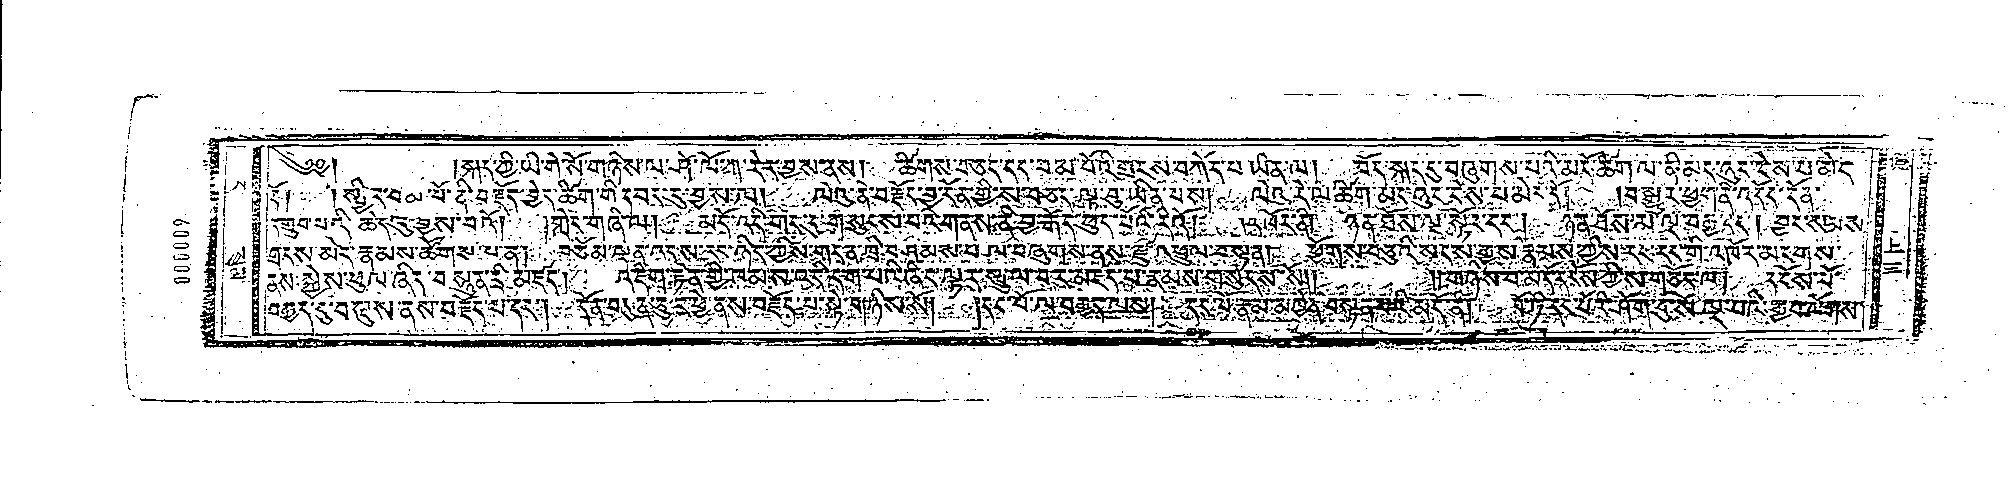༄༅། །སྐད་ཀྱི་ཡི་གེ་སོ་གཉིས་ལ་ཤོ་ལོ་ཀ་རེར་བྱས་ནས། ཚིགས་བཅད་དང་བམ་པོའི་གྲངས་བཀོད་པ་ཡིན་ལ། བོད་སྐད་དུ་བཞུགས་པའི་མདོ་ཚིག་ལ་ནི་མང་ཉུང་ངེས་པ་མེད་
དོ། །སྤྱིར་བམ་པོ་ནི་བརྗོད་བྱེད་ཚིག་གི་དབང་དུ་བྱས་ལ། ལེའུ་ནེ་བརྗོད་བྱ་དོན་གྱི་ས་བཅད་ལྟ་བུ་ཡིན་པས། ལེའུ་རེ་ལ་ཚིག་མང་ཉུང་ངེས་པ་མེད་དོ། །བསྒྱུར་ཕྱག་ནི་འདོད་དོན་
འགྲུབ་པའི་ཆེད་དུ་བྱས་བའོ། །གླེང་གཞི་ལ། མདོ་འདི་གང་དུ་གསུངས་པའི་གནས་ནི་བྱ་རྒོད་ཕུང་པོའི་རིའོ། །འཁོར་ནི། ཉན་ཐོས་ལྔ་སྟོང་དང་། ཉན་ཐོས་མ་ལྔ་བརྒྱ་དང་། བྱང་སེམས་
གྲངས་མེད་རྣམས་ཚོགས་པ་ནི། བཅོམ་ལྡན་འདས་རང་ཉིད་ཀྱིས་གདན་ཁྲི་བཤམས་པ་ལ་བཞུགས་ནས་རྫུ་འཕྲུལ་བསྟན། ཕྱོགས་བཅུའི་སངས་རྒྱས་རྣམས་ཀྱིས་རང་རང་གི་འཁོར་མངགས་
ནས་སྐྱེས་ཕུལ་ཞིང་བསྙུན་དྲི་མཛད། འཇིག་རྟེན་གྱི་ཁམས་འདི་དག་པའི་ཞིང་ལྟར་སྤྲུལ་བར་མཛད་པ་རྣམས་གསུངས་སོ།། །།གཉིས་པ་མདོ་དངོས་ཀྱིས་གཅོད་ལ། དངོས་པོ་
བརྒྱད་དུ་བསྡུས་ནས་བརྗོད་པ་དང་། དོན་བདུན་ཅུར་ཕྱེ་ནས་བརྗོད་པ་སྟེ་གཉིས་སོ། །དང་པོ་ལ་བརྒྱད་ལས། དང་པོ་རྣམ་མཁྱེན་བསྟན་པའི་མདོ་ནི། བོ་ཏི་དང་པོའི་ཤོག་བུ་སོ་ལྔ་པའི་རྒྱབ་ལོགས་